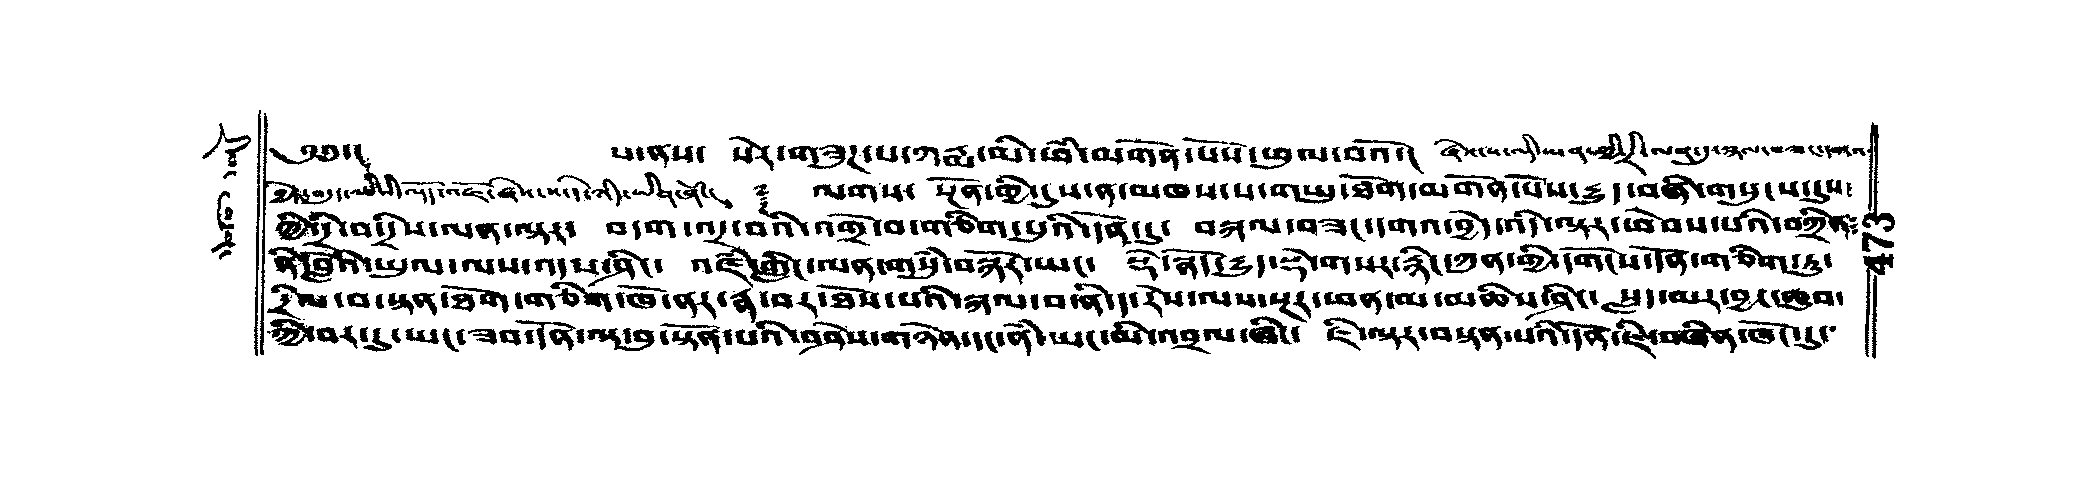པ་ནས། སེར་གཟུགས་པ་ཀརྨ་མི་ཕམ་མགོན་པོས་ཕུལ་བའོ།། ཞེས་པ་འདི་ཡན་གྱི་དྲི་ལན་དུ་སྐལ་བཟང་དགའ་
བྱེད་བདུད་རྩིའི་འདོད་འཇོ་ཞེས་པ་དེ་ཉིད་ཡིན་ནོ།། ༈ ལགས། སྔོན་གྱི་དུས་ན་མཁས་པ་གཡུ་ཐོག་མགོན་པོས་རྒྱུད་བཞི་གསུངས་དུས་
ཀྱི་དྲི་བ་དྲིས་ལན་ལྟར། བདག་འདྲ་བའི་འགྲོ་བ་གཅིག་པུའི་དོན་དུ། སྐལ་བཟང་དགའ་བྱེད་འདི་ལྟར་ཕེབས་པའི་བཀའ་དྲིན་
ནི་བློའི་ཡུལ་ལས་འདས་ཤིང་།་འཛམ་གླིང་ལན་གསུམ་བསྐོར་ཡང་། སྡེ་སྣོད་རྒྱུད་སྡེ་གསར་རྙིང་ཀུན་གྱི་དགོངས་དོན་གཅིག་ཏུ་
དྲིལ་བ་སྟན་ཐོག་གཅིག་ཁོ་ནར་རྣ་བར་ཐོས་པའི་སྐལ་བ་ནི་ད་རེས་ལས་སྔར་ཕན་མ་མཆིས་ཤིང་། སླད་མར་བྱང་ཆུབ་
ཀྱི་བར་དུ་ཡང་ཟབ་དོན་ལྟ་བུ་སྟོན་པའི་བཤེས་གཉེན་དང་ནམ་ཡང་མི་འབྲལ་ཞིང་། ཇི་ལྟར་བསྟན་པའི་དོན་ཇི་བཞིན་ཁོང་དུ་